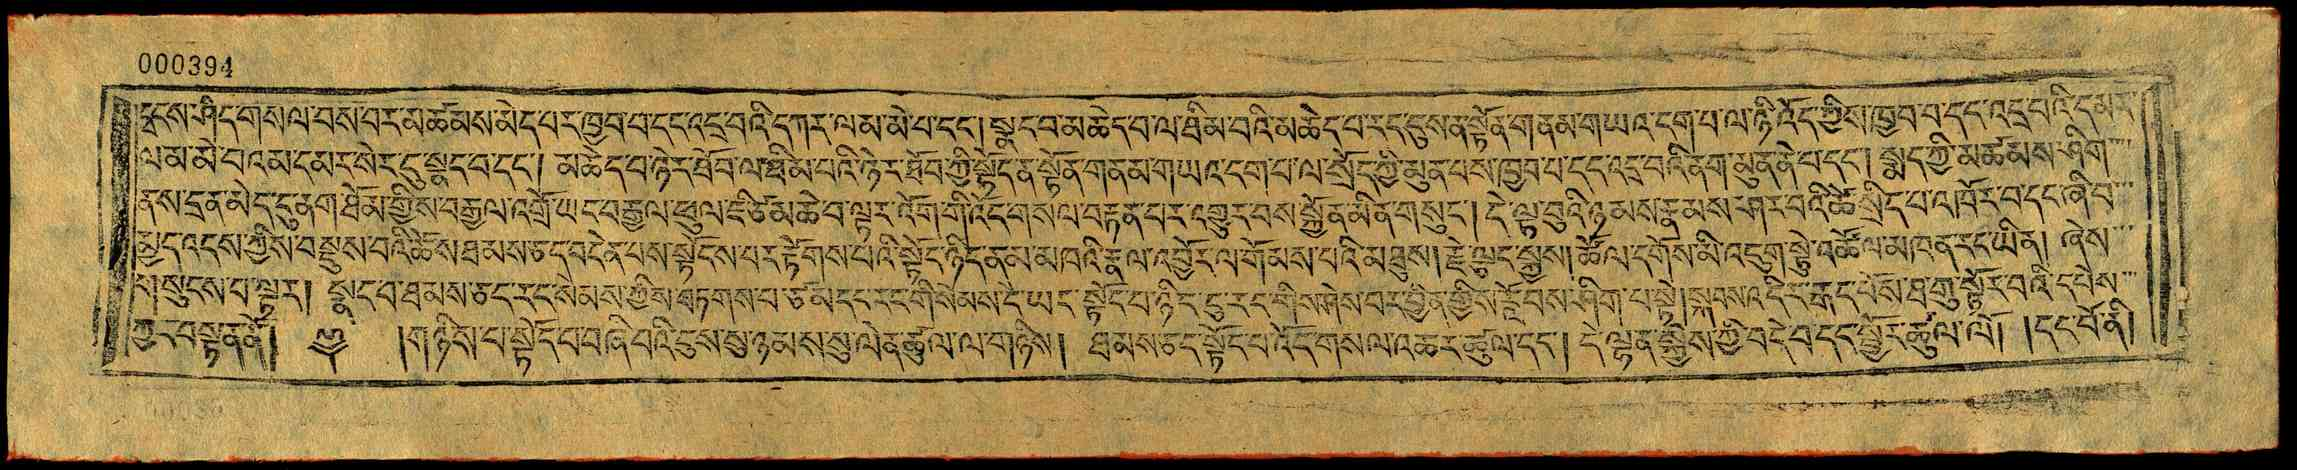དྭངས་ཤིང་གསལ་བས་བར་མཚམས་མེད་པར་ཁྱབ་པ་དང་འདྲ་བའི་དཀར་ལམ་མེ་བ་དང་། སྣང་བ་མཆེད་པ་ལ་ཐིམ་པའི་མཆེད་པ་རང་དུས་ན་སྟོན་གནམ་གཡའ་དག་པ་ལ་ཉི་འོད་ཀྱིས་ཁྱབ་པ་དང་འདྲ་བའི་དམར་
ལམ་མེ་པའམ་དམར་སེར་དུ་སྣང་བ་དང་། མཆེད་པ་ཉེར་ཐོབ་ལ་ཐིམ་པའི་ཉེར་ཐོབ་ཀྱི་སྟོད་ན་སྟོན་གནམ་གཡའ་དག་བ་ལ་སྲོད་ཀྱི་མུན་པས་ཁྱབ་པ་དང་འདྲ་བའི་ནག་མུན་ནེ་བ་དང་། སྨད་ཀྱི་མཚམས་ཤིག་
ནས་དྲན་མེད་དུ་ནག་ཐོམ་ཏེ་སང་བ་རྒྱལ་འགྲོ་ཡང་བ་རྒྱལ་ཕུལ་ཇི་ཙམ་ཆེ་བ་ལྟར་འོག་གི་འོད་གསལ་བརྟན་པར་འགྱུར་བས་སྐྱོན་མིན་གསུང་། དེ་ལྟ་བུའི་ཉམས་རྣམས་ཤར་བའི་ཚེ་སྲིད་པ་འཁོར་བ་དང་ཞི་བ་
མྱང་འདས་ཀྱིས་བསྡུས་པའི་ཆོས་ཐམས་ཅད་བདེན་པས་སྟོངས་པར་རྟོགས་པའི་སྟོང་ཉིད་ནམ་མཁའི་རྣལ་འབྱོར་ལ་གོམས་པའི་མཐུས། རྗེ་ལྕང་སྐྱས། ཚོལ་དགོས་མི་འདུག་སྟེ་འཚོལ་མཁན་རང་ཡིན། ཞེས་
གསུངས་པ་ལྟར། སྣང་བ་ཐམས་ཅད་རང་སེམས་ཀྱིས་བཏགས་པ་ཙམ་དང་རང་གི་སེམས་དེ་ཡང་སྟོང་པ་ཉིད་དུ་རང་གིས་ཤེས་པར་བྱིན་གྱིས་རློབས་ཤིག་པ་སྟེ། སྐབས་འདིའི་རྒད་པོས་ཐ་གུ་སྟོར་བའི་དཔེས་
ཀྱང་བསྟན་ནོ། ༈ །གཉིས་པ་སྟོང་པ་བཞི་པའི་དུས་སུ་ཉམས་སུ་ལེན་ཚུལ་ལ་གཉིས། ཐམས་ཅད་སྟོང་པ་འོད་གསལ་འཆར་ཚུལ་དང་། དེ་ལྷན་སྐྱེས་ཀྱི་བདེ་བ་དང་སྦྱོར་ཚུལ་ལོ། །དང་པོ་ནི།